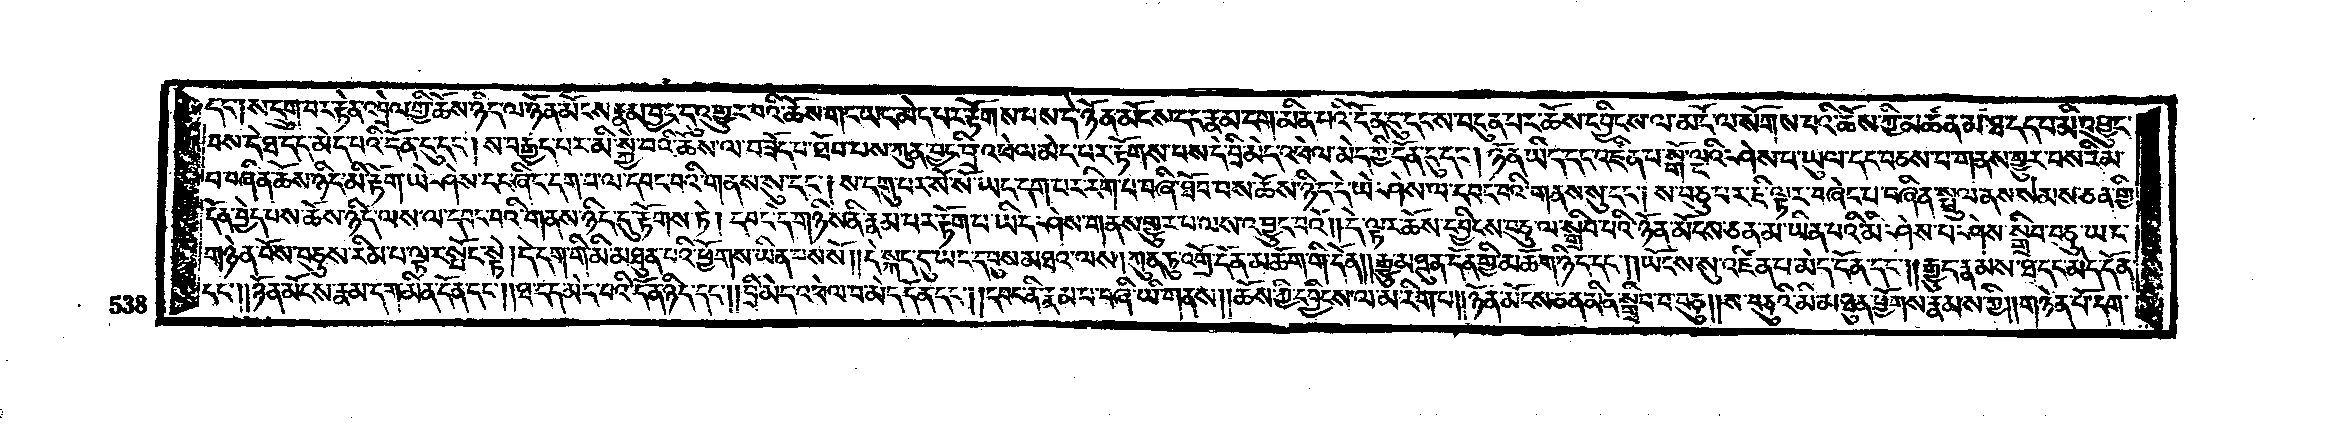དང་། ས་དྲུག་བར་རྟེན་འབྲེལ་གྱི་ཆོས་ཉིད་ལ་ཉོན་མོངས་རྣམ་བྱང་དུ་འགྱུར་བའི་ཆོས་གང་ཡང་མེད་པར་རྟོགས་པས་དེ་ཉོན་མོངས་དང་རྣམ་དག་མིན་པའི་དོན་དུ་དང་ས་བདུན་པར་ཆོས་དབྱིངས་ལ་མདོ་ལ་སོགས་པའི་ཆོས་ཀྱི་མཚན་མ་ཐ་དད་པ་མི་འབྱུང་
བས་དེ་ཐ་དད་མེད་པའི་དོན་དུ་དང་། ས་བརྒྱད་པར་མི་སྐྱེ་བའི་ཆོས་ལ་བཟོད་པ་ཐོབ་པས་ཀུན་བྱང་བྲི་འཕེལ་མེད་པར་རྟོགས་པས་དེ་བྲི་མེད་འཕེལ་མེད་ཀྱི་དོན་དུ་དང་། ཉོན་ཡིད་དང་འཛིན་པ་སྒོ་ལྔའི་ཤེས་པ་ཡུལ་དང་བཅས་པ་གནས་གྱུར་པས་རིམ་
པ་བཞིན་ཆོས་ཉིད་མི་རྟོག་ཡེ་ཤེས་དང་ཞིང་དག་པ་ལ་དབང་བའི་གནས་སུ་དང་། ས་དགུ་པར་སོ་སོ་ཡང་དག་པར་རིག་པ་བཞི་ཐོབ་པས་ཆོས་ཉིད་དེ་ཡེ་ཤེས་ལ་དབང་བའི་གནས་སུ་དང་། ས་བཅུ་པར་ཇི་ལྟར་བཞེད་པ་བཞིན་སྤྲུལ་ནས་སེམས་ཅན་གྱི་
དོན་བྱེད་པས་ཆོས་ཉིད་ལས་ལ་དབང་བའི་གནས་ཉིད་དུ་རྟོགས་ཏེ། དབང་དེ་གཉིས་ནི་རྣམ་པར་རྟོག་པ་ཡིད་ཤེས་གནས་གྱུར་པ་ལས་འབྱུང་བའོ། །དེ་ལྟར་ཆོས་དབྱིངས་བཅུ་ལ་སྒྲིབ་པའི་ཉོན་མོངས་ཅན་མ་ཡིན་པའི་མི་ཤེས་པ་ཤེས་སྒྲིབ་བཅུ་ཡང་
གཉེན་པོས་བཅུས་རིམ་པ་ལྟར་སྤོང་སྟེ། དེ་དག་གི་མི་མཐུན་པའི་ཕྱོགས་ཡིན་པས་སོ། །དེ་སྐད་དུ་ཡང་དབུས་མཐའ་ལས། ཀུན་ཏུ་འགྲོ་དོན་མཆོག་གི་དོན། །རྒྱུ་མཐུན་དོན་གྱི་མཆོག་ཉིད་དང་། །ཡོངས་སུ་འཛིན་པ་མེད་དོན་དང་། །རྒྱུད་རྣམས་ཐ་དད་མེད་དོན་
དང་། །ཉོན་མོངས་རྣམ་དག་མིན་དོན་དང་། །ཐ་དད་མེད་པའི་དོན་ཉིད་དང་། །བྲི་མེད་འཕེལ་པ་མེད་དོན་དང་། །དབང་ནི་རྣམ་པ་བཞི་ཡི་གནས། །ཆོས་ཀྱི་དབྱིངས་ལ་མ་རིག་པ། །ཉོན་མོངས་ཅན་མིན་སྒྲིབ་པ་བཅུ། །ས་བཅུའི་མི་མཐུན་ཕྱོགས་རྣམས་ཀྱི། །གཉེན་པོ་དག་